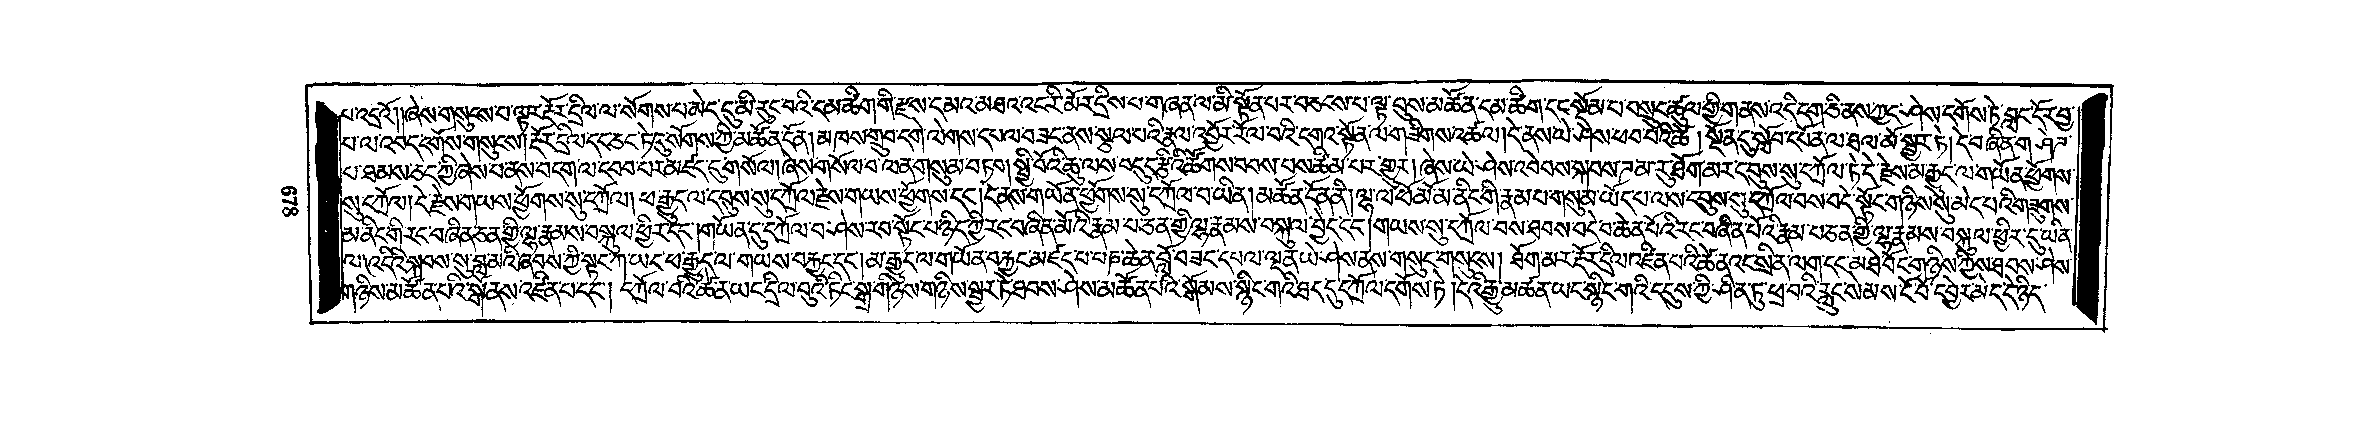པ་འདྲའོ། །ཞེས་གསུངས་པ་ལྟར་རྡོར་དྲིལ་ལ་སོགས་པ་མེད་དུ་མི་རུང་བའི་དམ་ཚིག་གི་རྫས་དམའ་དམའ་མཐའ་འང་རི་མོར་དྲིས་པ་གཞན་ལ་མི་སྟོན་པར་བཅངས་པ་ལྟ་བུས་མཚོན་དམ་ཚིག་དང་སྡོམ་པ་བསྲུང་ཚུལ་གྱི་གནས་འདི་དག་ཅི་ནས་ཀྱང་ཤེས་དགོས་ཏེ་བླང་དོར་བྱ་
པ་ལ་འབད་དགོས་གསུངས། རྡོར་དྲིལ་དང་ཅང་ཏེའུ་སོགས་ཀྱི་མཚོན་དོན། མཁས་གྲུབ་དགེ་ལེགས་དཔལ་བཟང་ནས་སྩལ་པའི་རྣལ་འབྱོར་རོལ་བའི་དགའ་སྟོན་ལ་གཟིགས་འཚལ། དེ་ནས་ཡེ་ཤེས་ཕབ་པའི་ཚེ། སྔོན་དུ་སློབ་དཔོན་ལ་ཐལ་མོ་སྦྱར་ཏེ། དེ་བཞིན་གཤེགས་
པ་ཐམས་ཅད་ཀྱི་ཞེས་པ་ནས་བདག་ལ་དབབ་པར་མཛད་དུ་གསོལ། ཞེས་གསོལ་བ་ལན་གསུམ་བཏབ། སྤྱི་བོའི་ཆུ་ལས་བདུད་རྩིའི་ཚོགས་བབས་པས་ཚིམ་པར་གྱུར། ཞེས་ཡེ་ཤེས་འབེབས་སྐབས་ཌ་མ་རུ་ཐོག་མར་དབུས་སུ་དཀྲོལ་ཏེ་དེ་རྗེས་མ་རྒྱུད་ལ་གཡོན་ཕྱོགས་
སུ་དཀྲོལ། དེ་རྗེས་གཡས་ཕྱོགས་སུ་དཀྲོལ། ཕ་རྒྱུད་ལ་དབུས་སུ་དཀྲོལ་རྗེས་གཡས་ཕྱོགས་དང་། དེ་ནས་གཡོན་ཕྱོགས་སུ་དཀྲོལ་བ་ཡིན། མཚོན་དོན་ནི། ལྷ་ལ་ཕོ་མོ་མ་ནིང་གི་རྣམ་པ་གསུམ་ཡོད་པ་ལས་དབུས་སུ་དཀྲོལ་བས་བདེ་སྟོང་གཉིས་སུ་མེད་པའི་གཟུགས་
མ་ནིང་གི་རང་བཞིན་ཅན་གྱི་ལྷ་རྣམས་བསྐུལ་ཕྱིར་དང་། གཡོན་དུ་དཀྲོལ་བ་ཤེས་རབ་སྟོང་པ་ཉིད་ཀྱི་རང་བཞིན་མོའི་རྣམ་པ་ཅན་གྱི་ལྷ་རྣམས་བསྐུལ་བྱེད་དང་། གཡས་སུ་དཀྲོལ་བས་ཐབས་བདེ་བ་ཆེན་པོའི་རང་བཞིན་པོའི་རྣམ་པ་ཅན་གྱི་ལྷ་རྣམས་བསྐུལ་ཕྱིར་དུ་ཡིན་
ལ། འདིའི་སྐབས་སུ་བླ་མའི་ཞབས་ཀྱི་སྟང་ཀ་ཡང་ཕ་རྒྱུད་ལ་གཡས་བརྐྱང་དང་། མ་རྒྱུད་ལ་གཡོན་བརྐྱང་མཛད་པ་པཎ་ཆེན་བློ་བཟང་དཔལ་ལྡན་ཡེ་ཤེས་ནས་གསུང་གསུངས། ཐོག་མར་རྡོར་དྲིལ་འཛིན་པའི་ཚེ་ནའང་སྲིན་ལག་དང་མཐེ་བོང་གཉིས་ཀྱིས་ཐབས་ཤེས་
གཉིས་མཚོན་པའི་སྒོ་ནས་འཛིན་པ་དང་། དཀྲོལ་བའི་ཚེ་ན་ཡང་དྲིལ་བུའི་ཏིང་སྒྲ་གཉིས་གཉིས་སྦྱར་ཏེ་ཐབས་ཤེས་མཚོན་པའི་སྒོམས་སྙིང་གའི་ཐད་དུ་དཀྲོལ་དགོས་ཏེ། དེའི་རྒྱུ་མཚན་ཡང་སྙིང་གའི་དངུས་ཀྱི་ཤིན་ཏུ་ཕྲ་བའི་རླུང་སེམས་ངོ་བོ་དབྱེར་མེད་དེ་ཉིད་